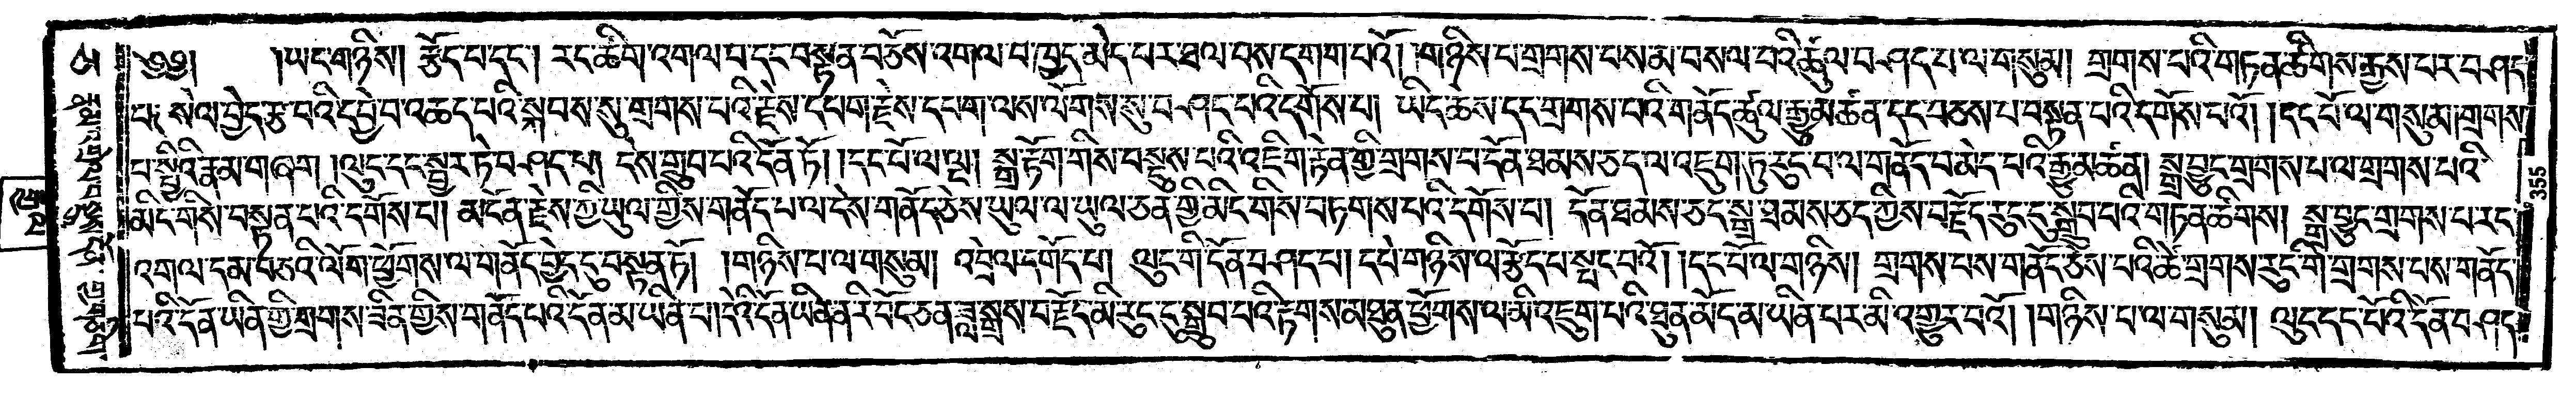༄༅། །ཡང་གཉིས། རྩོད་པ་དང་། རང་ཚིག་འགལ་བ་དང་བསྟན་བཅོས་འགལ་བ་ཁྱད་མེད་པར་ཐལ་བས་དགག་པའོ། །གཉིས་པ་གྲགས་པས་མ་བསལ་བའི་ཚུལ་བཤད་པ་ལ་གསུམ། གྲགས་པའི་གཏན་ཚིགས་རྒྱས་པར་བཤད་
པ། སེལ་བྱེད་རྩ་བའི་དབྱེ་བ་འཆད་པའི་སྐབས་སུ་གྲགས་པའི་རྗེས་དཔག་རྗེས་དཔག་ལས་ལོགས་སུ་བཤད་པའི་དགོས་པ། ཡིད་ཆེས་དང་གྲགས་པའི་གནོད་ཚུལ་རྒྱུ་མཚན་དང་བཅས་པ་བསྟན་པའི་དགོས་པའོ། །དང་པོ་ལ་གསུམ། གྲགས་
པ་སྤྱིའི་རྣམ་གཞག །ལུང་དང་སྦྱར་ཏེ་བཤད་པ། དེས་གྲུབ་པའི་དོན་ཏོ། །དང་པོ་ལ་ལྔ། སྒྲ་རྟོག་གིས་བསྡུས་པའི་འཇིག་རྟེན་གྱི་གྲགས་པ་དོན་ཐམས་ཅད་ལ་འཇུག་ཏུ་རུང་བ་ལ་གནོད་པ་མེད་པའི་རྒྱུ་མཚན། སྒྲ་བྱུང་གྲགས་པ་ལ་གྲགས་པའི་
མིང་གིས་བསྟན་པའི་དགོས་པ། མངོན་རྗེས་ཀྱི་ཡུལ་གྱིས་གནོད་པ་ལ་དེས་གནོད་ཅེས་ཡུལ་ལ་ཡུལ་ཅན་གྱི་མིང་གིས་བཏགས་པའི་དགོས་པ། དོན་ཐམས་ཅད་སྒྲ་ཐམས་ཅད་ཀྱིས་བརྗོད་རུང་དུ་སྒྲུབ་པའི་གཏན་ཚིགས། སྒྲ་བྱུང་གྲགས་པ་རང་
འགལ་དམ་བཅའི་ལོག་ཕྱོགས་ལ་གནོད་བྱེད་དུ་བསྟན་ཏོ། །གཉིས་པ་ལ་གསུམ། འབྲེལ་དགོད་པ། ལུང་གི་དོན་བཤད་པ། དཔེ་གཉིས་ལ་རྩོད་པ་སྤང་བའོ། །དང་པོ་ལ་གཉིས། གྲགས་པས་གནོད་ཅེས་པའི་ཚེ་གྲགས་རུང་གི་གྲགས་པས་གནོད་
པའི་དོན་ཡིན་གྱི་གྲགས་ཟིན་གྱིས་གནོད་པའི་དོན་མ་ཡིན་པ། དེའི་དོན་ཡིན་ན་རི་བོང་ཅན་ཟླ་སྒྲས་བརྗོད་མི་རུང་དུ་སྒྲུབ་པའི་རྟགས་མཐུན་ཕྱོགས་ལ་མི་འཇུག་པའི་ཐུན་མོང་མ་ཡིན་པར་མི་འགྱུར་བའོ། །གཉིས་པ་ལ་གསུམ། ལུང་དང་པོའི་དོན་བཤད་